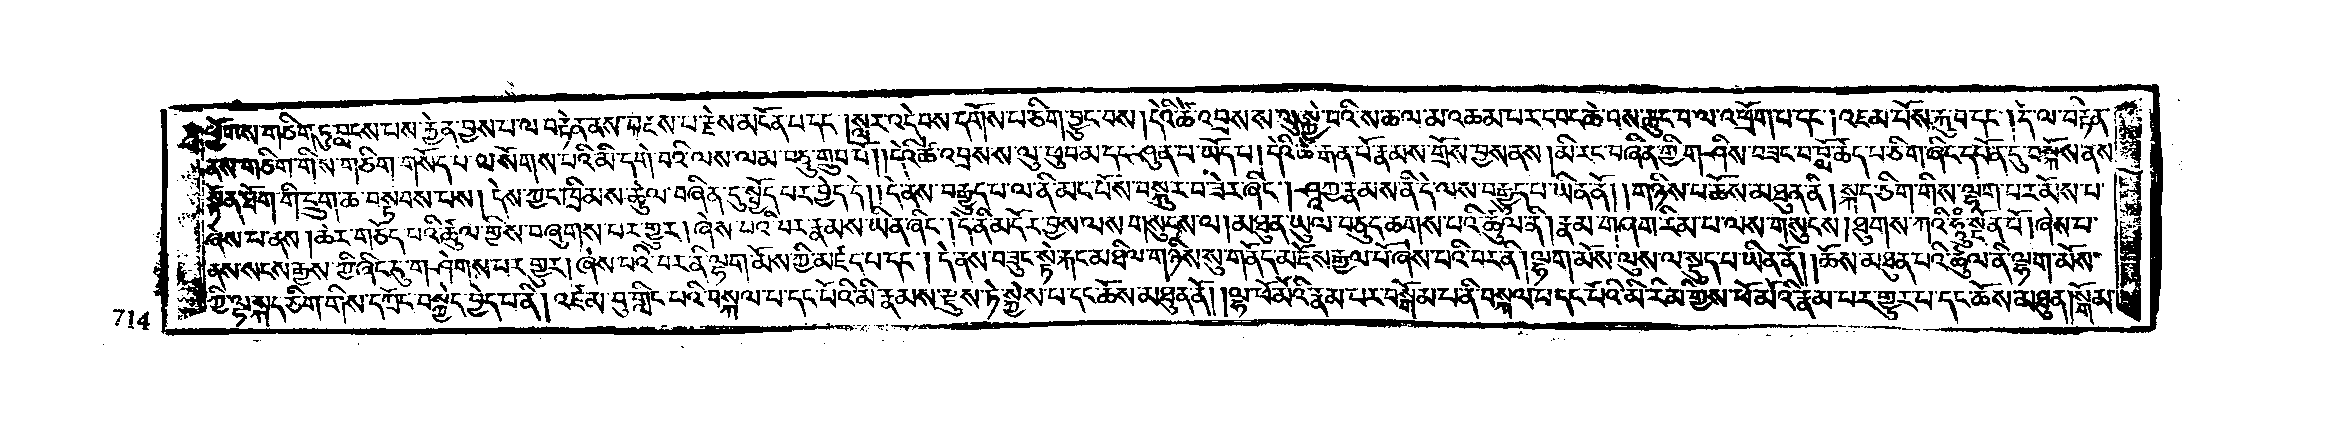ཕྱོགས་གཅིག་ཏུ་བླངས་པས་རྐྱེན་བྱས་པ་ལ་བརྟེན་ནས་བརྔས་པ་རྗེས་མངོན་པ་དང་། སླར་འདེབས་དགོས་པ་ཅིག་བྱུང་བས། དེའི་ཚེ་འབྲས་ས་ལུ་སྐྱེ་བའི་ས་ཆ་ལ་མ་འཆམ་པར་དབང་ཆེ་བས་ཆུང་བ་ལ་འཕྲོག་པ་དང་། འཇམ་པོས་རྐུ་བ་དང་། དེ་ལ་བརྟེན་
ནས་གཅིག་གིས་གཅིག་གསོད་པ་ལ་སོགས་པའི་མི་དགེ་བའི་ལས་ལམ་བཅུ་གྲུབ་པོ། །དེའི་ཚེ་འབྲས་ས་ལུ་ཕུབ་མ་དང་ཤུན་པ་ཡོད་པ། དེའི་ཚེ་རྒན་པོ་རྣམས་གྲོས་བྱས་ནས། མི་རང་བཞིན་གྱི་གཤིས་བཟང་བ་བློ་ཚད་པ་ཅིག་ཞིང་དཔོན་དུ་བསྐོས་ནས་
སྟོན་ཐོག་གི་དྲུག་ཆ་བསྟབས་པས། དེས་ཀྱང་ཁྲིམས་ཚུལ་བཞིན་དུ་སྤྱོད་པར་བྱེད་དོ། །དེ་ནས་བརྒྱུད་པ་ལ་ནི་མང་པོས་བསྐུར་བ་ཟེར་ཞིང་། ཤཱཀྱ་རྣམས་ནི་དེ་ལས་བརྒྱུད་པ་ཡིན་ནོ། །གཉིས་པ་ཆོས་མཐུན་ནི། སྐད་ཅིག་གིས་ལྷག་པར་མོས་པ་
ཞེས་པ་ནས། ཚར་གཅོད་པའི་ཚུལ་གྱིས་བཞུགས་པར་གྱུར། ཞེས་པའི་བར་རྣམས་ཡིན་ཞིང་། དེ་ནི་མདོར་བྱས་ལས་གསུངས་ལ། མཐུན་ཡུལ་བཅུད་ཆགས་པའི་ཚུལ་ནི། རྣམ་གཞག་རིམ་པ་ལས་གསུངས། ཐུགས་ཀའི་ཧཱུཾ་སྔོན་པོ། ཞེས་པ་
ནས་སངས་རྒྱས་ཀྱི་ཞིང་དུ་གཤེགས་པར་གྱུར། ཞེས་པའི་བར་ནི་ལྷག་མོས་ཀྱི་མཛད་པ་དང་། དེ་ནས་བཟུང་སྟེ་རྐང་མཐིལ་གཉིས་སུ་གནོད་མཛེས་རྒྱལ་པོ་ཞེས་པའི་བར་ནི། ལྷག་མོས་ལུས་ལ་སྡུད་པ་ཡིན་ནོ། །ཆོས་མཐུན་པའི་ཚུལ་ནི་ལྷག་མོས་
ཀྱི་ལྷ་སྐད་ཅིག་གིས་དཀྲོང་བསྐྱེད་བྱེད་པ་ནི། འཛམ་བུ་གླིང་པའི་བསྐལ་པ་དང་པོའི་མི་རྣམས་རྫུས་ཏེ་སྐྱེས་པ་དང་ཆོས་མཐུན་ནོ། །ལྷ་ཕོ་མོའི་རྣམ་པར་བསྒོམ་པ་ནི་བསྐལ་པ་དང་པོའི་མི་རིམ་གྱིས་ཕོ་མོའི་རྣམ་པར་གྱུར་པ་དང་ཆོས་མཐུན། སྒོམ་